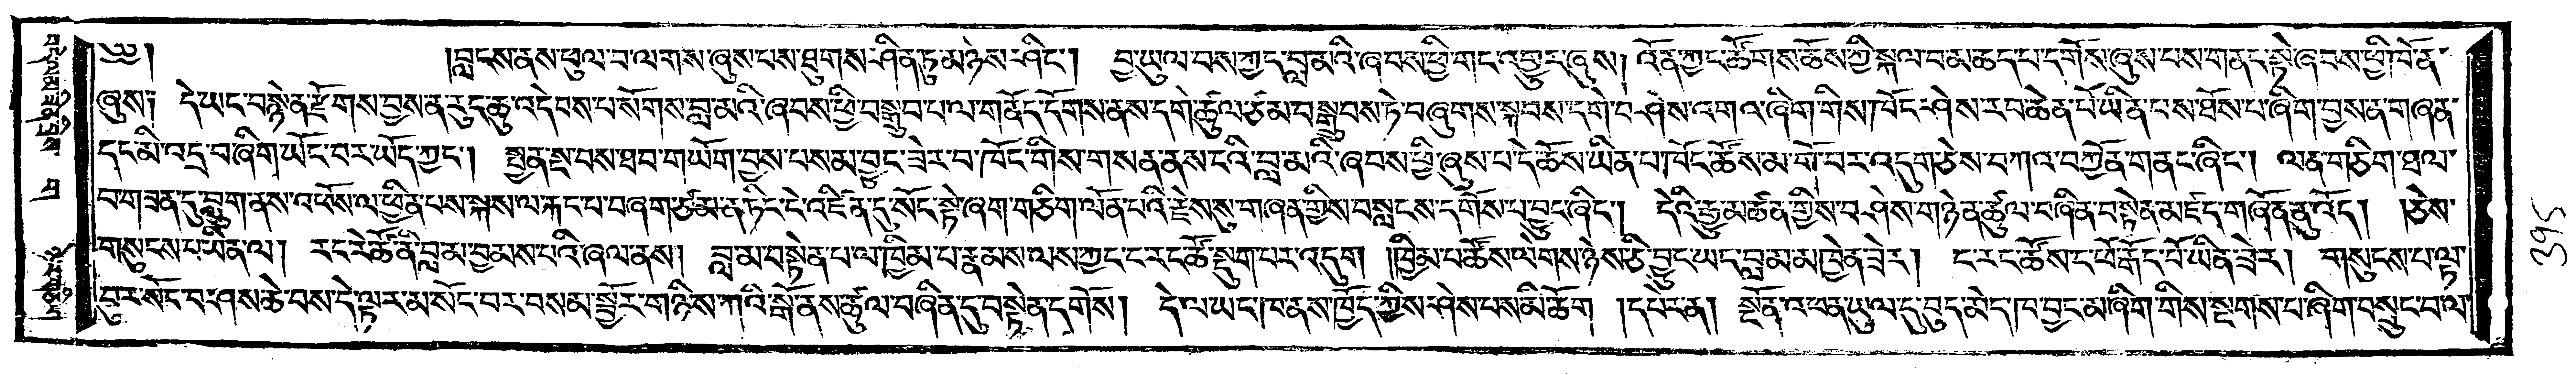༄༅། །བླངས་ནས་ཕུལ་བ་ལགས་ཞུས་པས་ཐུགས་ཤིན་ཏུ་མཉེས་ཤིང་། བྱ་ཡུལ་བས་ཀྱང་བླ་མའི་ཞབས་ཕྱི་གང་འགྱུར་ཞུས། འོན་ཀྱང་ཚོགས་ཆོས་ཀྱི་སྐལ་བ་མཆད་པ་དགོས་ཞུས་བསག་ནད་སྟེ་ཞབས་ཕྱི་ཁོ་ན་
ཞུས༑ དེ་ཡང་བསྙེན་རྫོགས་བྱས་ན་རུང་ཆུ་འདེབས་པ་སོགས་བླ་མའི་ཞབས་ཕྱི་བསྒྲུབ་པ་ལ་གནོད་དོགས་ནས་དགེ་ཚུལ་ཙམ་བསྒྲུབས་ཏེ་བཞུགས་སྐབས་དགེ་བཤེས་འགའ་ཞིག་གིས་ཁོང་ཤེས་རབ་ཆེན་པོ་ཡིན་པས་ཐོས་པ་ཞིག་བྱས་ན་གཞན་
དང་མི་འདྲ་བཞིག་ཡོང་བར་ཡོད་ཀྱང་། སྤྱན་སྡབས?་ཐབ་གཡོག་བྱས་པས་མ་བྱུང་ཟེར་བ་ཁོང་གིས་གསན་ནས་ངའི་བླ་མའི་ཞབས་ཕྱི་ཞུས་པ་དེ་ཆོས་ཡིན་པ་ཁོང་ཚོས་མ་གོ་བར་འདུག་ཅེས་བཀའ་བཀྱོན་གནང་ཞིང་། ལན་གཅིག་ཐལ་
བ་གཟན་དུ་བླུག་ནས་འཕོས་ལ་ཕྱིན་པས་སྐས་ལ་རྐང་པ་བཞག་ཙམ་ན་ཏིང་ངེ་འཛིན་དུ་སོང་སྟེ་ཞག་གཅིག་ལོན་པའི་རྗེས་སུ་གཞན་གྱིས་བསླངས་དགོས་པ་བྱུང་ཞིང་། དེའི་རྒྱུ་མཚན་གྱིས་བཤེས་གཉེན་ཚུལ་བཞིན་བསྟེན་མཛད་གཞོན་ནུ་འོད། །ཅེས་
གསུངས་བ་ཡིན་ལ། རང་རེ་ཚོ་ནི་བླ་མ་བྱམས་པའི་ཞལ་ནས། བླ་མ་བསྟེན་པ་ལ་ཁྱིམ་པ་རྣམས་ལས་ཀྱང་ང་རང་ཚོ་སྡུག་པར་འདུག །ཁྱིམ་བ་ཚོས་ལེགས་ཉེས་ཅི་བྱུང་ཡང་བླ་མ་མཁྱེན་ཟེར། ང་རང་ཚོས་ང་ཕོ་རྒོད་པོ་ཡིན་ཟེར། གསུངས་པ་ལྟ་
བུར་སོང་བ་ཤས་ཆེ་བས་དེ་ལྟར་མ་སོང་བར་བསམ་སྦྱོར་གཉིས་ཀའི་སྒོ་ནས་ཚུལ་བཞིན་དུ་བསྟེན་དགོས། དེ་ལ་ཡང་ཁ་ནས་ཁྱོད་ཀྱིས་ཤེས་པས་མི་ཆོག །དཔེར་ན། སྔོན་འཕན་ཡུལ་དུ་བུད་མེད་ཁ་བྱང་མ་ཞིག་གིས་སྔགས་པ་ཞིག་བསྲུང་བ་ལ་